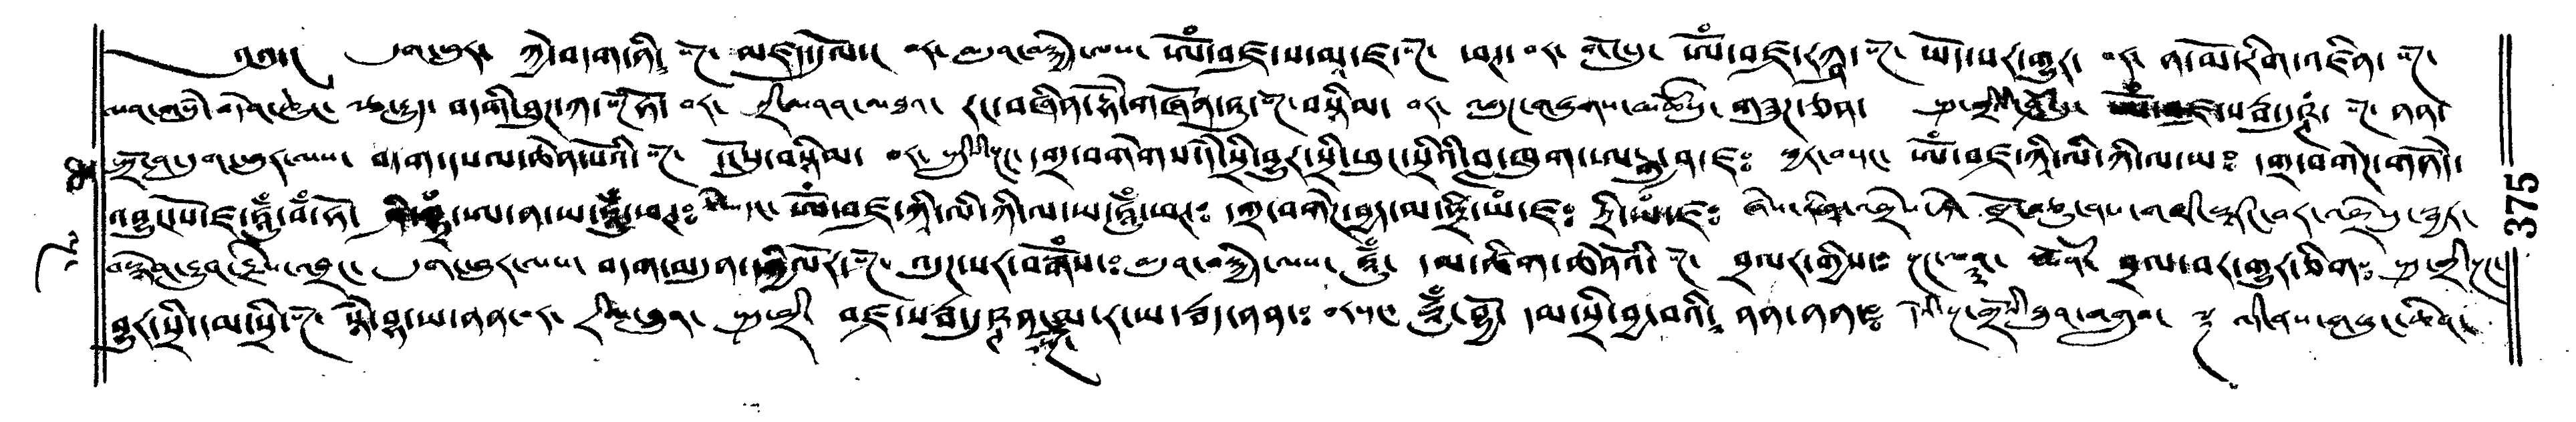དུག་ཕུར། ཀྱཻ། བདག་ནི༴ སོགས། མཛད་དུ་གསོལ། བར་མདུན་བསྐྱེད་ལས། ཨོཾ་བཛྲ་ས་མཱ་ཛཿ སོགས། ཕཊཿ བར། གོང་དུ། ཨོཾ་བཛྲ་རཀྴ༴ སོགས། ཡོད་པར་གྱུར། བར། ན་མོ། རིག་འཛིན༴ སོགས། 
ལན་གསུམ། བདེན་ཆུང་། རྩ་རྒྱུད། བདག་གི་ཐུགས་ཀ༴ སོགས། ཧོཿ བར། སྲི་མནན་མཐའ། རང་བཞིན་རྡོ་རྗེ་གཞོན་ནུ༴ སོགས། བསྟིམ༔ བར། འགུགས་གཞུག་མཚམས་སུ། གཟུགས་ཅན༴ སྤུ་གྲིའི་གཤམ་དུ། ཨོཾ་བཛྲ་སརྦ་དུཥྚཾ༴ སོགས། ནན༴ 
སྤྲོ་ན་དུག་ཕུར་ལས། བདག་དཔལ་ཆེན་པོའི༴ སོགས། དངོས་སུ་བསྟིམ། བར། སྤུ་གྲིའི་སྔགས། དགྲ་བགེགས་དམ་སྲི་བྱུར་སྲི་ཕུང་སྲིའི་བླ་ཁུག་ཨངྐུ་ཤ་ཛཿ སྦྱར་བ་དང་། ཨོཾ་བཛྲ་ཀཱི་ལི་ཀི་ལ་ཡཿ དགྲ་བགེགས་གནོད་བྱེད་
འབྱུང་པོ་ཛ་ཧཱུྃ་བྃ་ཧོཿ ཤི་གྷྲཾ་ཨ་ན་ཨ་ཧཱུྃ་ཕཊཿ ཅེས་དང་། ཨོཾ་བཛྲ་ཀཱི་ལི་ཀི་ལ་ཡ་ཧཱུྃ་ཕཊཿ དགྲ་བགེགས་བྱད་མ་ཧྲི་ཡཾ་ཛཿཏྲི་ཡཾ་ཛཿ ཞེས་རིགས་འགྲེས་ཏེ། ཁྲོ་བཅུ་ནས་གཞི་སྙིང་བར་འགྲེས་སུ་སྦྱར། 
བསྙེན་རྒྱུན་རྗེས་འབྲང་། དུག་ཕུར་ལས། བདག་མདུན་དཀྱིལ་འཁོར༴ སོགས། འདུག་པར་བསྒོམས༔ མདུན་བསྐྱེད་ལས། ཧཱུྃ༔ དམ་ཚིགས་ཆེན་པོའི༴ སོགས། བྲལ་པར་གྱིས༔ སྔགས་ལན་གསུམ། སྨོན་ལམ། བྲལ་བར་གྱུར་ཅིག༔ སྤུ་གྲི་སྔགས། 
བྱུར་སྲི་དམ་སྲི༴ སོགས། སྟམ་བྷ་ཡ་ནནཿ བར། དྲིལ་ཐུན། སྤུ་གྲི། བཛྲ་སརྦ་དུཥྚན་སོགས། ་མ་ར་ཡ་རྦད་ནན༔ བར་དང་། ཧཱུྃ་བྷྱོ༔ དམ་སྲི་བྱ་བའི༴ ནན་ནན༔ དེའི་སྔ་དྲོའི་ཐུན་གྲུབ། ༈ འདི་ནས་གཞུང་ཆེན་